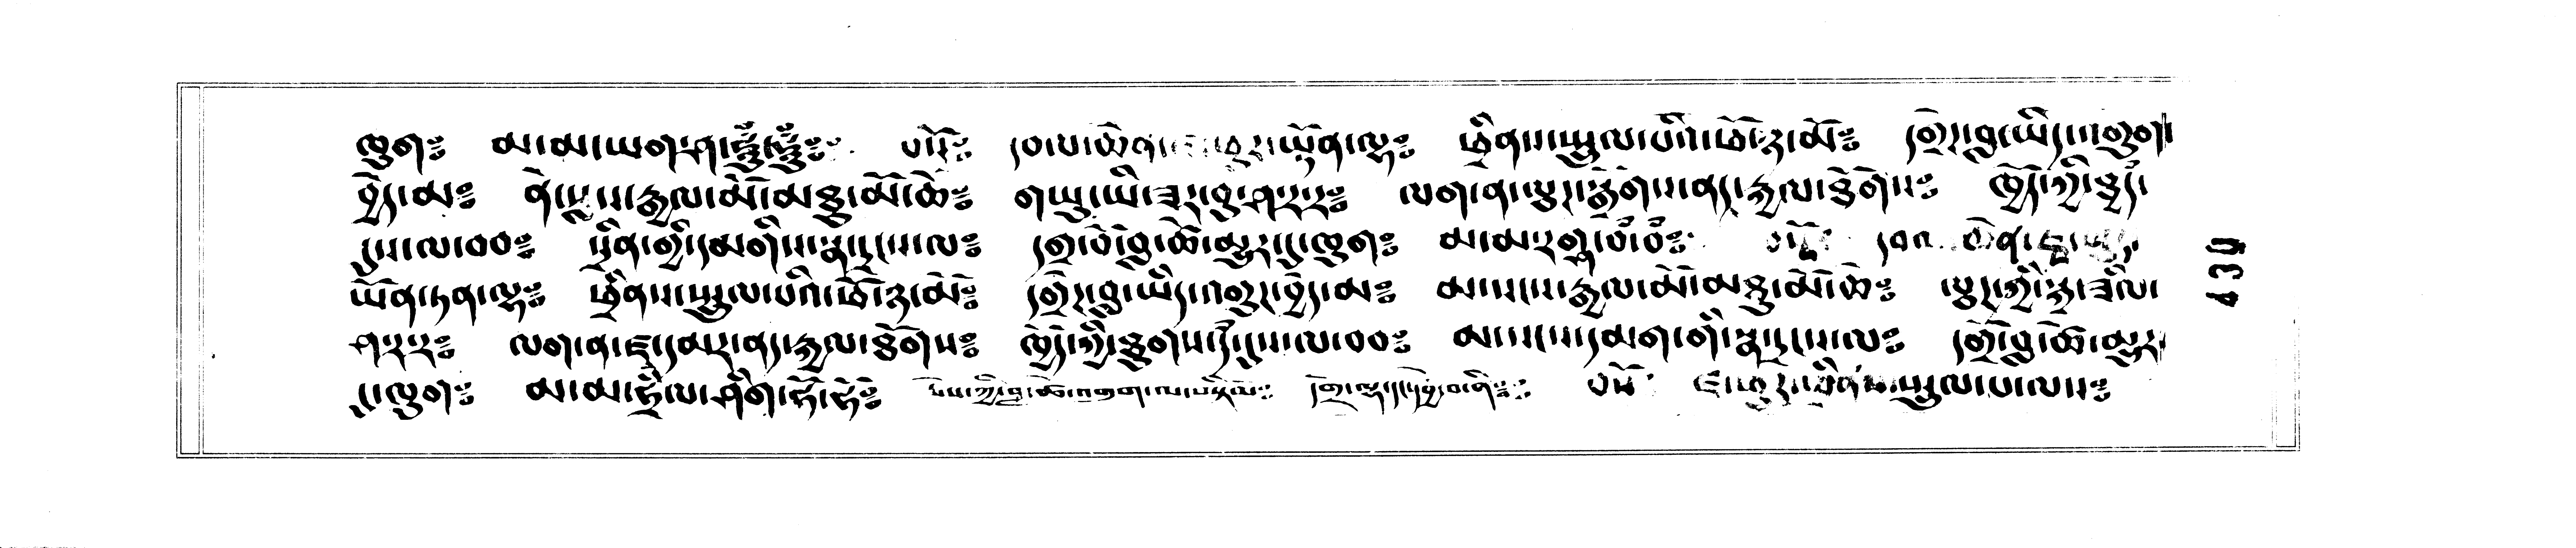ཁུག༔མ་མ་ཡག་ཤ་ཧཱུཾ་ཧཱུཾ༔༔བསྭོ༔དབལ་ཆེན་ཛྭ་ཕུར་ཡོན་ཏན་ལྷ༔ཕྲིན་ལས་སྤྲུལ་པའི་ཕོ་ཉ་མོ༔དགྲ་བགེགས་བླ་ཡིད་འགུག་
བྱེད་མ༔ནེ་སླས་རྒྱལ་མོ་མཐུ་མོ་ཆེ༔གཡུ་ཡི་ཟར་བུ་ཤ་ར་ར༔ལག་ན་ལྕགས་སྒྲོགས་ནད་རྐྱལ་ཐོགས༔ཁྱོད་ཀྱི་ཐུགས་དམ་
དུས་ལ་བབ༔སྲིན་གྱི་དམག་གིས་སྣ་དྲངས་ལ༔དགྲ་བོ་བླ་ཚེ་མྱུར་དུ་ཁུག༔མ་མ་རགྴ་བཾ་བཾ༔བསྭོ༔དབལ་ཆེན་ཛྭ་ཕུར་
ཡོན་ཏན་ལྷ༔ཕྲིན་ལས་སྤྲུལ་པའི་ཕོ་ཉ་མོ༔དགྲ་བགེགས་བླ་ཡིད་འགུག་བྱེད་མ༔མ་སངས་རྒྱལ་མོ་མཐུ་མོ་ཆེ༔ལྕགས་ཀྱི་སྐྲ་ཟིལ་
ཤ་ར་ར༔ལག་ན་ཛྭ་དམར་ནད་རྐྱལ་ཐོགས༔ཁྱོད་ཀྱི་ཐུགས་དམ་དུས་ལ་བབ༔མ་སངས་དམག་གི་སྣ་དྲངས་ལ༔དགྲ་བོ་བླ་ཚེ་མྱུར་
དུ་ཁུག༔མ་མ་ཧྲིལ་ཤིག་ཧོ་ཧོ༔ཅེས་ཀྱི་བླ་ཚེ་འགུག་ལ་བསྟིམ༔དགྲ་བོ་ལྷ་དང་དབྱེ་བ་ནི༔༔བསྭོ༔ཛྭ་ཕུར་ཕྲིན་ལས་སྤྲུལ་པ་ལས༔